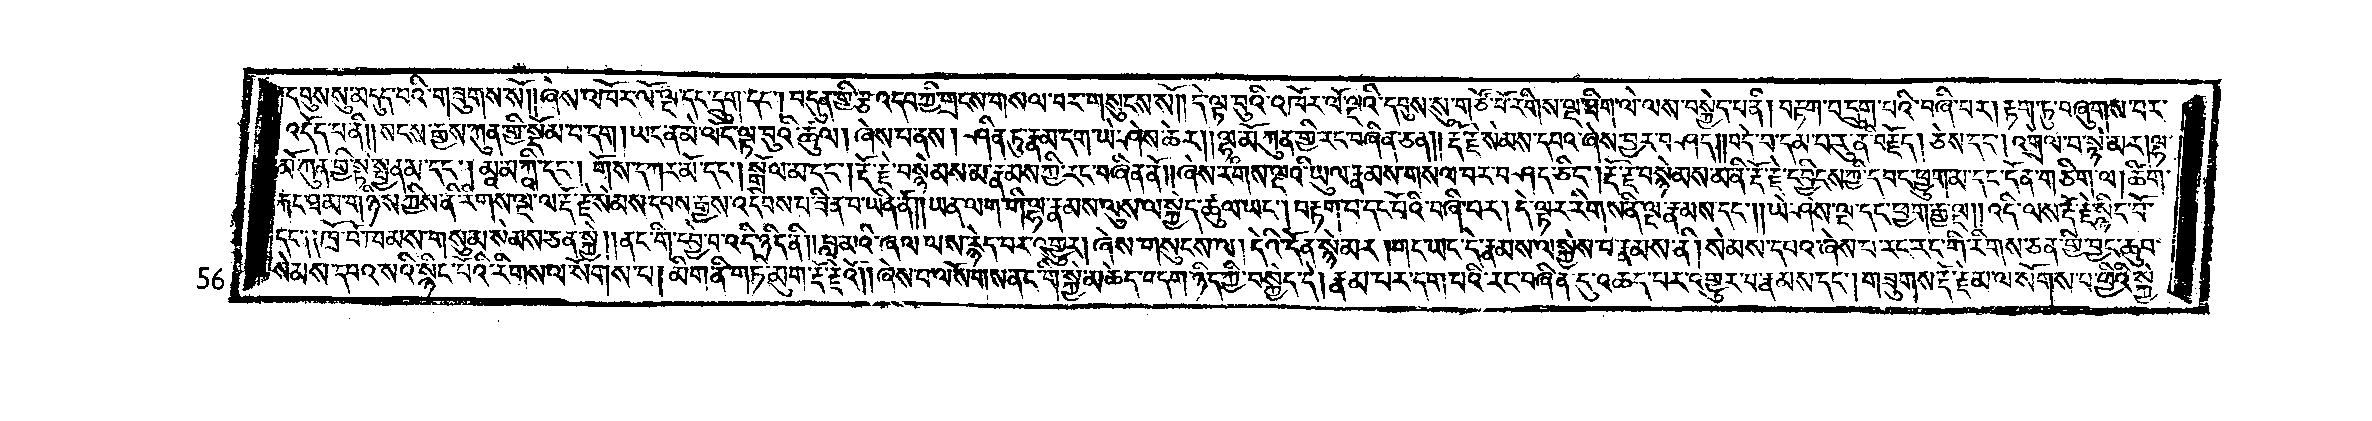དབུས་སུ་མདུད་པའི་གཟུགས་སོ། །ཞེས་འཁོར་ལོ་ལྔ་དང་དྲུག་དང་། བདུན་གྱི་རྩ་འདབ་ཀྱི་གྲངས་གསལ་བར་གསུངས་སོ། །དེ་ལྟ་བུའི་འཁོར་ལོ་ལྔའི་དབུས་སུ་གཙོ་བོ་རིགས་ལྔ་ཐིག་ལེ་ལས་བསྐྱེད་པ་ནི། བརྟག་པ་དྲུག་པའི་བཞི་པར། རྟག་ཏུ་བཞུགས་པར་
འདོད་པ་ནི། །སངས་རྒྱས་ཀུན་གྱི་སྡོམ་པ་དག །ཡང་ན་མེ་ལོང་ལྟ་བུའི་ཚུལ། ཞེས་པ་ནས། ཤིན་ཏུ་རྣམ་དག་ཡེ་ཤེས་ཆེར། །ལྷ་མོ་ཀུན་གྱི་རང་བཞིན་ཅན། །རྡོ་རྗེ་སེམས་དཔའ་ཞེས་བྱར་བཤད། །བདེ་བ་དམ་པ་རུ་ནི་བརྗོད། ཅེས་དང་། འགྲེལ་བ་སྙེ་མར། ལྷ་
མོ་ཀུན་གྱི་སྟེ་སྤྱན་མ་དང་། མཱ་མ་ཀཱི་དང་། གོས་དཀར་མོ་དང་། སྒྲོལ་མ་དང་། རྡོ་རྗེ་བསྙེམས་མ་རྣམས་ཀྱི་རང་བཞིན་ནོ། །ཞེས་རིགས་ལྔའི་ཡུལ་རྣམས་གསལ་བར་བཤད་ཅིང་། རྡོ་རྗེ་བསྙེམས་མ་ནི་རྡོ་རྗེ་དབྱིངས་ཀྱི་དབང་ཕྱུག་མ་དང་དོན་གཅིག་ལ། ཚིག་
རྐང་ཐ་མ་གཉིས་ཀྱིས་ནི་རིགས་ལྔ་ལ་རྡོ་རྗེ་སེམས་དཔས་རྒྱས་འདེབས་པ་ཟིན་པ་ཡིན་ནོ། །ཡན་ལག་གི་ལྷ་རྣམས་ལུས་ལ་སྐྱེད་ཚུལ་ཡང་། བརྟག་པ་དང་པོའི་བཞི་པར། དེ་ལྟར་རིགས་ནི་ལྔ་རྣམས་དང་། །ཡེ་ཤེས་ལྔ་དང་ཕྱག་རྒྱ་ལྔ། །འདི་ལས་རྡོ་རྗེ་སྙིང་པོ་
དང༑ ༑ཁྲོ་བོ་ཁམས་གསུམ་སེམས་ཅན་སྐྱེ། །ནང་གི་དབྱེ་བ་འདི་ཉིད་ནི། །བླ་མའི་ཞལ་ལས་རྙེད་པར་འགྱུར། ཞེས་གསུངས་ལ། དེའི་དོན་སྙེ་མར། གང་ཡང་དེ་རྣམས་ལ་སྐྱེས་པ་རྣམས་ནི། སེམས་དཔའ་ཞེས་པ་རང་རང་གི་རིགས་ཅན་གྱི་བྱང་ཆུབ་
སེམས་དཔའ་སའི་སྙིང་པོའི་རིགས་ལ་སོགས་པ། མིག་ནི་གཏི་མུག་རྡོ་རྗེའོ། །ཞེས་པ་ལ་སོགས་ནང་གི་སྐྱེ་མཆེད་བདག་ཉིད་ཀྱི་བསྐྱེད་དེ། རྣམ་པར་དག་པའི་རང་བཞིན་དུ་འཆད་པར་འགྱུར་པ་རྣམས་དང་། གཟུགས་རྡོ་རྗེ་མ་ལ་སོགས་པ་ཕྱིའི་སྐྱེ་